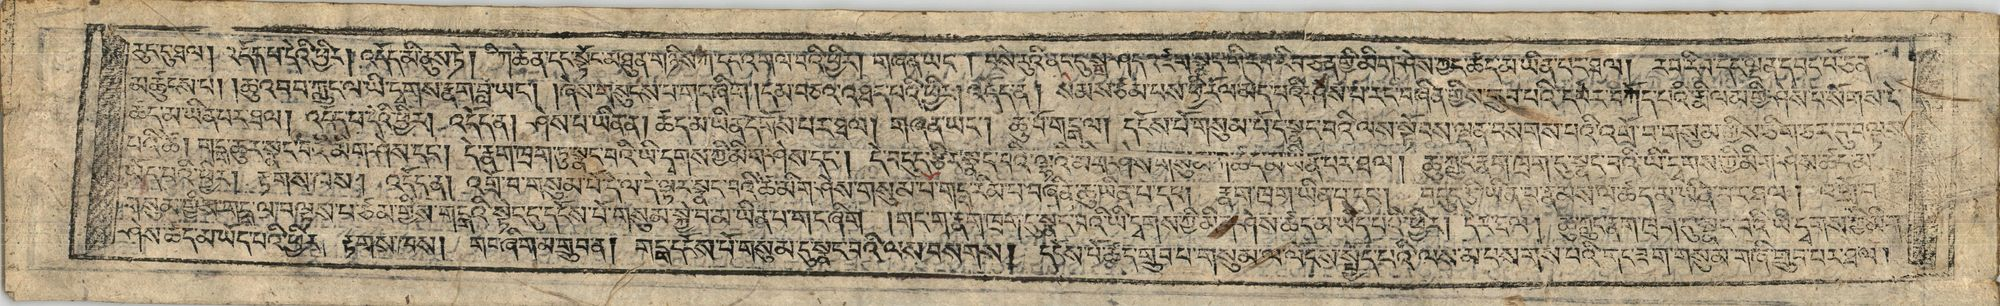རུང་དུ་ཐལ། འདོད་པ་དེའི་ཕྱིར། འདོད་མི་ནུས་ཏེ། ཊིཀ་ཆེན་དང་སྟོང་མཐུན་གཉིས་ཀ་དང་འགལ་བའི་ཕྱིར། གཞན་ཡང་། བསེ་རུའི་ནང་དུ་སྐྲ་ཤད་འཛག་སྣང་གི་རབ་རིབ་ཅན་གྱི་མིག་ཤེས་ཀྱང་ཚད་མ་ཡིན་པར་ཐལ། རབ་རིབ་དང་ལྡན་དབང་པོ་ཅན་
མཚུངས་པ། །ཆུ་འབབ་ཀླུང་ལ་ཡི་དྭགས་རྣག་བློ་ཡང་། །ཞེས་གསུངས་པ་གང་ཞིག །དམ་བཅའ་འཐད་པའི་ཕྱིར། འདོད་ན། སེམས་ཙམ་པས་ཕྱི་རོལ་མེད་པའི་ཤེས་པ་རང་བཞིན་གྱིས་གྲུབ་པའི་དཔེར་བཀོད་པའི་རྨི་ལམ་གྱི་ཤེས་པ་སོགས་དེ་
ཚད་མ་ཡིན་པར་ཐལ། འདོད་པ་དེའི་ཕྱིར། འདོད་ན། ཤེས་པ་ཡིན་ན། ཚད་མ་ཡིན་དགོས་པར་ཐལ། གཞན་ཡང་། ཆུ་བོ་གངྒ་ལ། དངོས་པོ་གསུམ་པོ་དེ་སྣང་བའི་ལས་སྟོབས་ལྡན་བསགས་པའི་འགྲོ་བ་གསུམ་གྱིས་ཅིག་ཅར་དུ་བལྟས་
པའི་ཚེ། གངྒ་ཆུར་སྣང་བའི་མིག་ཤེས་དང་། དེ་རྣག་ཁྲག་ཏུ་སྣང་བའི་ཡི་དྭགས་ཀྱི་མིག་ཤེས་དང་། དེ་བདུད་རྩིར་སྣང་བའི་ལྷའི་མིག་ཤེས་གསུམ་ཀ་ཚད་མ་ཡིན་བར་ཐལ། ཆུ་ཀླུང་རྣག་ཁྲག་དུ་སྣང་བའི་ཡི་དྭགས་ཀྱི་མིག་ཤེས་ཚད་མ་
ཡོད་པའི་ཕྱིར། རྟགས་ཁས། འདོད་ན། འགྲོ་བ་གསུམ་པོ་དེ་ལ་དེ་ལྟར་སྣང་བའི་ཚེ་མིག་ཤེས་གསུམ་པོ་གངྒ་རིམ་པ་བཞིན་ཆུ་ཡིན་པ་དང་། རྣག་ཁྲག་ཡིན་པ་དང་། བདུད་རྩི་ཡིན་པ་རྣམས་ལ་ཚད་མ་ཡིན་བར་ཐལ། འགྲོ་བ་
གསུམ་གྱིས་གངྒ་ལ་བལྟས་པ་ཙམ་གྱིས་གངྒའི་སྟེང་དུ་དངོས་པོ་གསུམ་སྐྱེ་བ་མ་ཡིན་པ་གང་ཞིག །གང་ག་རྣག་ཁྲག་དུ་སྣང་བའི་ཡི་དྭགས་ཀྱི་མིག་ཤེས་ཚད་མ་ཡོད་པའི་ཕྱིར། དེར་ཐལ། ཆུ་ཀླུང་རྣག་ཁྲག་དུ་སྣང་བའི་ཡི་དྭགས་ཀྱི་མིག་
ཤེས་ཚད་མ་ཡོད་པའི་ཕྱིར། རྟགས་ཁས། གང་ཞིག་མ་གྲུབ་ན། གངྒ་དངོས་པོ་གསུམ་དུ་སྣང་བའི་ལས་བསགས། དངོས་པོ་ཚད་གྲུབ་པ་གསུམ་ལ་ལོངས་སྤྱོད་པའི་ལས་མ་བསགས་པའི་གང་ཟག་གསུམ་གཞི་གྲུབ་བར་ཐལ།